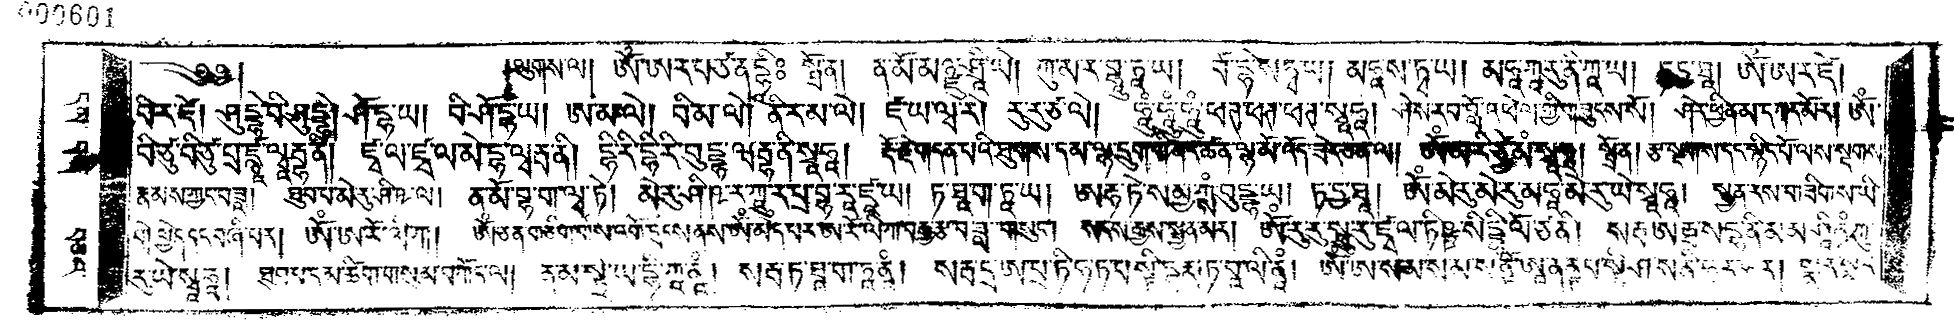༄༅། །ལུགས་ལ། ཨོཾ་ཨ་ར་པ་ཙ་ན་དྷཱིཿ སྤྲོ་ན།  ན་མོ་མཉྫུ་ཤྲཱི་ཡེ། ཀུ་མ་ར་བྷཱུ་ཏཱ་ཡ། བོ་དྷི་སཏྭ་ཡ། མཧཱ་ས་ཏྭ་ཡ། མཧཱ་ཀཱ་རུ་ནི་ཀཱ་ཡ། ཏདྱ་ཐཱ། ཨོཾ་ཨ་ར་ཛེ།
བི་ར་ཛེ། ཤུདྡྷེ་བི་ཤུདྡྷེ། ཤོ་དྷ་ཡ། བི་ཤོ་དྷ་ཡ། ཨ་མ་ལེ། བི་མ་ལེ། ནི་ར་མ་ལེ། ཛ་ཡ་ཝ་རེ། རུ་རུ་ཙ་ལེ། ཧཱུཾ་ཧཱུཾ་ཧཱུཾ་ཕཊ་ཕཊ་ཕཊ་སྭཱཧཱ། ཤེས་རབ་བློ་འཕེལ་གྱི་གཟུངས་སོ། ཤེར་ཕྱིན་མ་དཀར་མོར།  ཨོཾ་
བི་ཙུ་བི་ཙུ་པྲ་ཛྙཱ་ཝཱརྦྷ་ནི། ཛྭ་ལ་ཛྭ་ལ་མེ་དྷ་ཝརྦ་ནི། དྷི་རི་དྷི་རི་བུདྡྷ་ཝརྦྷ་ནི་སྭཱཧཱ། རྡོ་རྗེ་གདན་པའི་ཐུགས་དམ་ལྷ་དྲུག་གི་ནང་ཚན་ལྷ་མོ་འོད་ཟེར་ཅན་ལ།  ཨོཾ་མ་རི་ཙྱེ་མཾ་སྭཱཧཱ། སྤྲོ་ན། རྩ་སྔགས་དང་སྙིང་པོ་ལས་སྔགས་
རྣམས་ཀྱང་བཟླ། ཐུབ་པ་མེ་རུ་ཤི་ཥ་ལ། ན་མོ་བྷ་ག་ཝ་ཏེ། མེ་རུ་ཤི་ཥ་ར་ཀཱུ་ར་པྲ་བྷ་རཱ་ཛཱ་ཡ། ཏ་ཐཱ་ག་ཏཱ་ཡ། ཨརྷ་ཏེ་སམྱ་ཀྶཾ་བུདྡྷ་ཡ། ཏ་དྱ་ཐཱ། ཨོཾ་མེ་རུ་མེ་རུ་མཧཱ་མེ་རུ་ཡེ་སྭཱཧཱ། སྤྱན་རས་གཟིགས་ཡི་
གེ་ཕྱེད་དང་བཞི་པར། ཨོཾ་ཨ་རོ་ལི་ཀ། ཨོཾ་ཅན་གཅིག་གིས་འགོ་དྲངས་ནས་ཨོཾ་མེད་པར་ཨ་རོ་ལི་ཀ་བརྒྱ་རྩ་བཟླ་གསུང་། སངས་རྒྱས་སྤྱན་མར།  ཨོཾ་རུ་རུ་སྥུ་རུ་ཛྭ་ལ་ཏིཥཊཿཨ་སིདྡྷི་ལོ་ཙ་ནི། སརྦ་ཨརྠ་སདྷ་ནི་མ་མ་ཤཱིནྟཾ་ཀུ་
རུ་ཡེ་སྭཱཧཱ། ཐུབ་པ་དམ་ཚིག་གསུམ་བཀོད་ལ།  ན་མ་སྟྲཻ་ཡ་དྷྭི་ཀཱ་ནཱཾ། སརྦ་ཏ་ཐཱ་ག་ཏཱ་ནཱཾ། སརྦ་དྲ་ཨ་པྲ་ཏི་ཧ་ཏ་པསྟི་དྷརྨ་ཏ་བཱ་ལི་ནཱཾ། ཨོཾ་ཨ་ས་མ་ས་མ་སནྟོ་ཨཱ་ནནྟ་པ་སྟི་ཤ་ས་ནི་ཧ་ར་ཧ་ར། སྨ་ར་སྨ་ར་